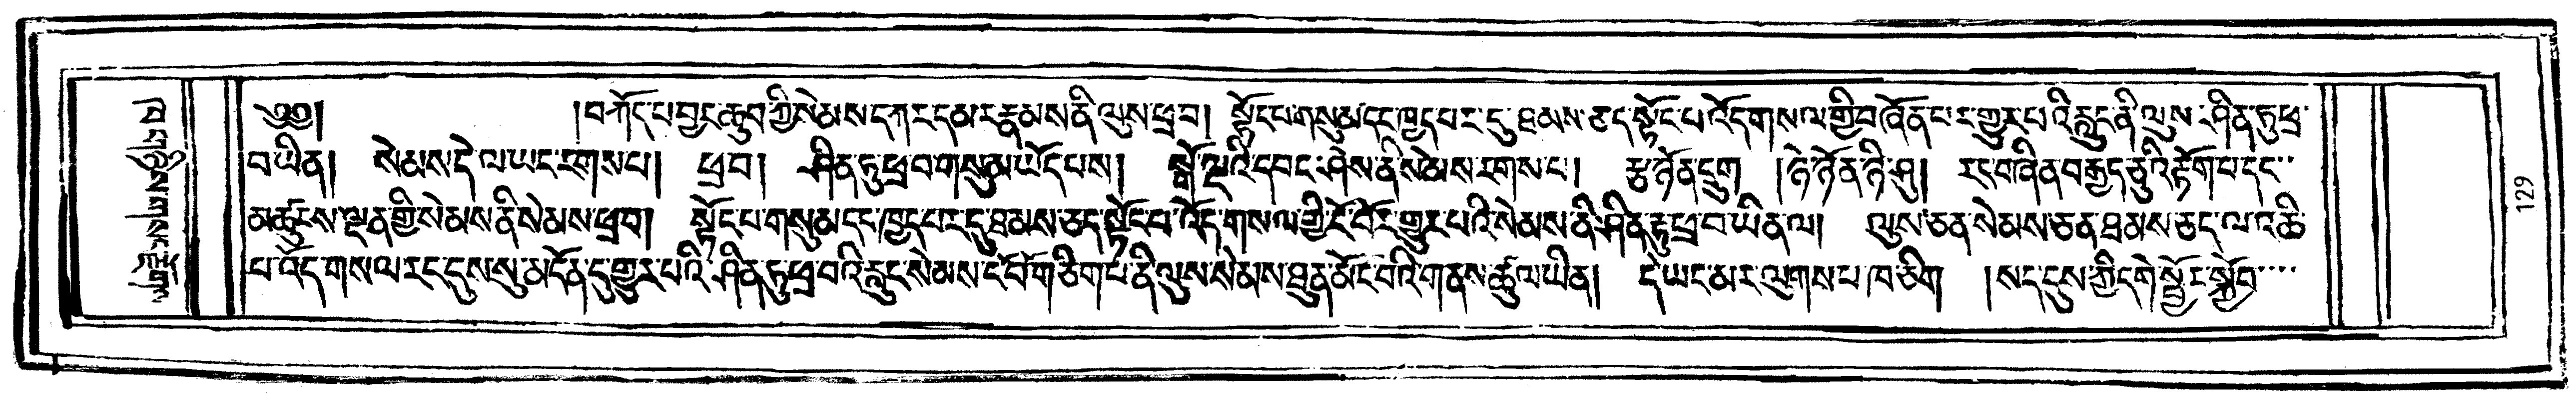༄༅། །བཀོད་པ་བྱང་ཆུབ་ཀྱི་སེམས་དཀར་དམར་རྣམས་ནི་ལུས་ཕྲ་བ། སྟོང་པ་གསུམ་དང་ཁྱད་པར་དུ་ཐམས་ཅད་སྟོང་པ་འོད་གསལ་གྱི་བཞོན་པར་གྱུར་པའི་རླུང་ནི་ལུས་ཤིན་ཏུ་ཕྲ་
བ་ཡིན། སེམས་དེ་ལ་ཡང་རགས་པ། ཕྲ་བ། ཤིན་ཏུ་ཕྲ་བ་གསུམ་ཡོད་པས། སྒོ་ལྔའི་དབང་ཤེས་ནི་སེམས་རགས་པ། རྩ་ཉོན་དྲུག །ཉེ་ཉོན་ཉི་ཤུ། རང་བཞིན་བརྒྱད་ཅུའི་རྟོག་པ་དང་
མཚུངས་ལྡན་གྱི་སེམས་ནི་སེམས་ཕྲ་བ། སྟོང་པ་གསུམ་དང་ཁྱད་པར་དུ་ཐམས་ཅད་སྟོང་པ་འོད་གསལ་གྱི་ངོ་བོར་གྱུར་པའི་སེམས་ནི་ཤིན་རྟུ་ཕྲ་བ་ཡིན་ལ། ལུས་ཅན་སེམས་ཅན་ཐམས་ཅད་ལ་འཆི་
བ་འོད་གསལ་རང་དུས་སུ་མངོན་དུ་གྱུར་པའི་ཤིན་ཏུ་ཕྲ་བའི་རླུང་སེམས་ངོ་བོ་གཅིག་པ་ནི་ལུས་སེམས་ཐུན་མོང་བའི་གནས་ཚུལ་ཡིན། དེ་ཡང་མར་ལུགས་པ་ཁ་ཅིག །སད་དུས་ཀྱི་དགེ་སྦྱོར་སྐྱོབ་